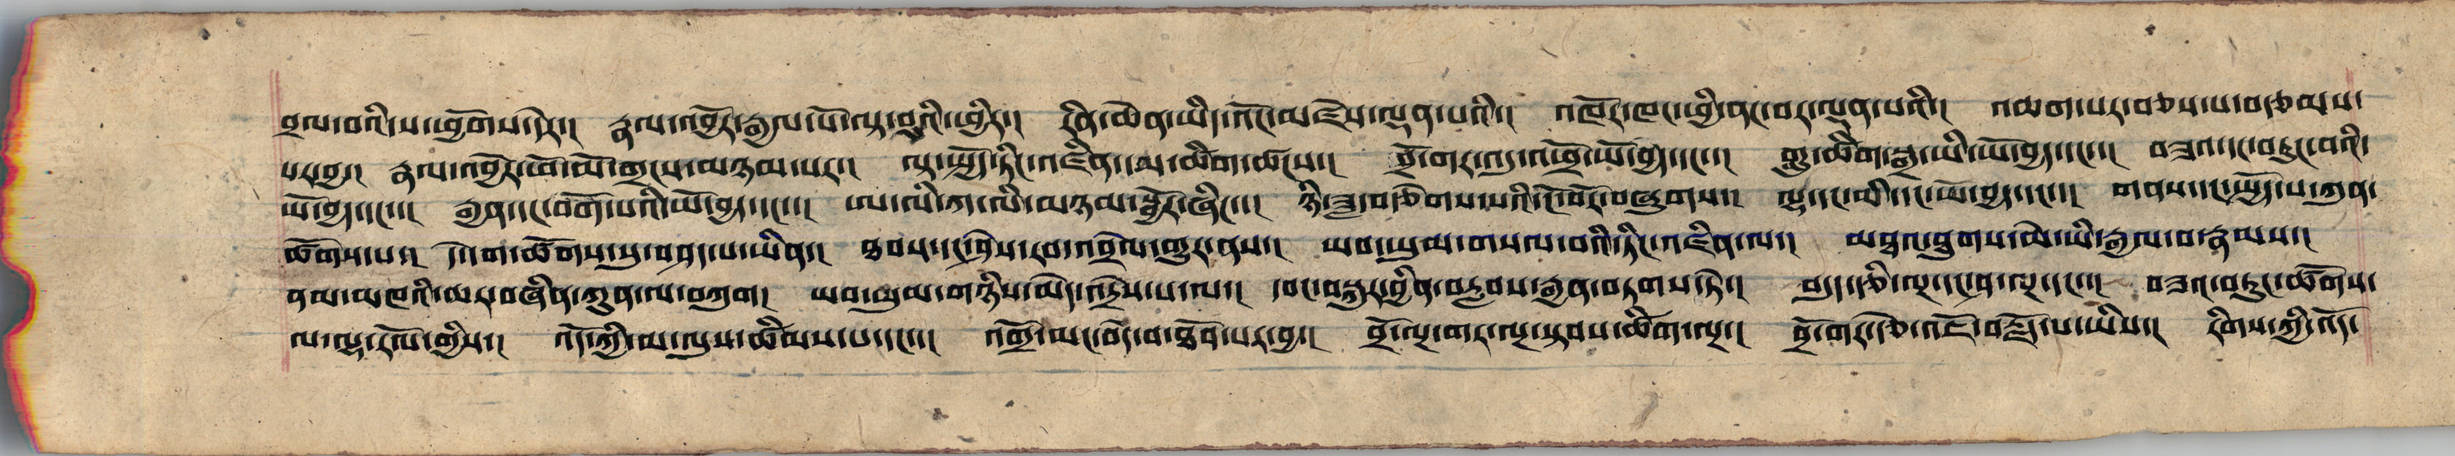བྲལ་བའི་ས་ཕྱོགས་དེར་། རྣལ་འབྱོར་རྒྱལ་པོ་ལྟ་བུའི་ཕྱིར་། རིན་ཆེན་ཡིད་འོང་མཛེས་ལྡན་པའི་། འཁོར་ཁང་ཕྱི་ནང་བར་ལྡན་པའི་། འཆག་པར་བཅས་པ་བརྩམས་
པར་བྱ་། རྣལ་འབྱོར་ཕོ་མོ་གྲངས་མཉམ་པར་། ལྟ་སྤྱོད་ཏིང་འཛིན་དམ་ཚིག་ཚངས་། བྲོ་གར་འདུ་འཕྲོ་ཡོ་བྱད་དང་་། གླུ་ཚིག་སྒྲ་ཡི་ཡོ་བྱད་དང་་། བཟའ་དང་བཏུང་བའི་
ཡོ་བྱད་དང་་། རྒྱན་དང་བགོ་པའི་ཡོ་བྱད་དང་་། ཨ་ལི་ཀ་ལི་མཉམ་སྦྱོར་ཞིང་་། ཉི་ཟླ་བརྩེགས་པའི་ངོ་བོར་བཞུགས་། ལྷ་དང་མི་དང་ཡོ་བྱད་དང་་། གནས་དང་སྤྱོད་པ་ཀུན་
ཚོགས་པ་། དེ་དག་ཚོགས་སུ་བཤད་པ་ཡིན་། ཐབས་དང་ཤེས་རབ་འབྲེལ་གྱུར་ནས་། ཡབ་ཡུམ་གསལ་བའི་ཏིང་འཛིན་ལ་། མཐའ་ཐུགས་མེ་ཡི་རྒྱལ་བ་རྣམས་།
ནམ་མཁའི་ཆར་བཞིན་ཀུན་ལ་བཀུག། ཡབ་ཡུམ་གཉིས་མེད་འདྲེས་པ་ལ་། དབང་བསྐུར་བྱིན་བརླབས་རྒྱན་བཏགས་ཏེ་། བདུད་རྩི་ལྔ་དང་ཤ་ལྔ་དང་་། བཟའ་བཏུང་ཚོགས་
ལ་ལྷ་རོལ་གྱིས་། འོད་ཀྱི་མ་ལུས་ཚིམས་པ་དང་་། འགྲོ་མང་བདེ་བ་ཐོབ་པར་བྱ་། བྲོ་ལྔ་གར་ལྔ་སྟབས་ཚིག་ལྔ་། བྲོ་གར་རྩེ་འཇོ་བརྗོད་པ་ཡིས་། རིགས་ཀྱི་འོད་